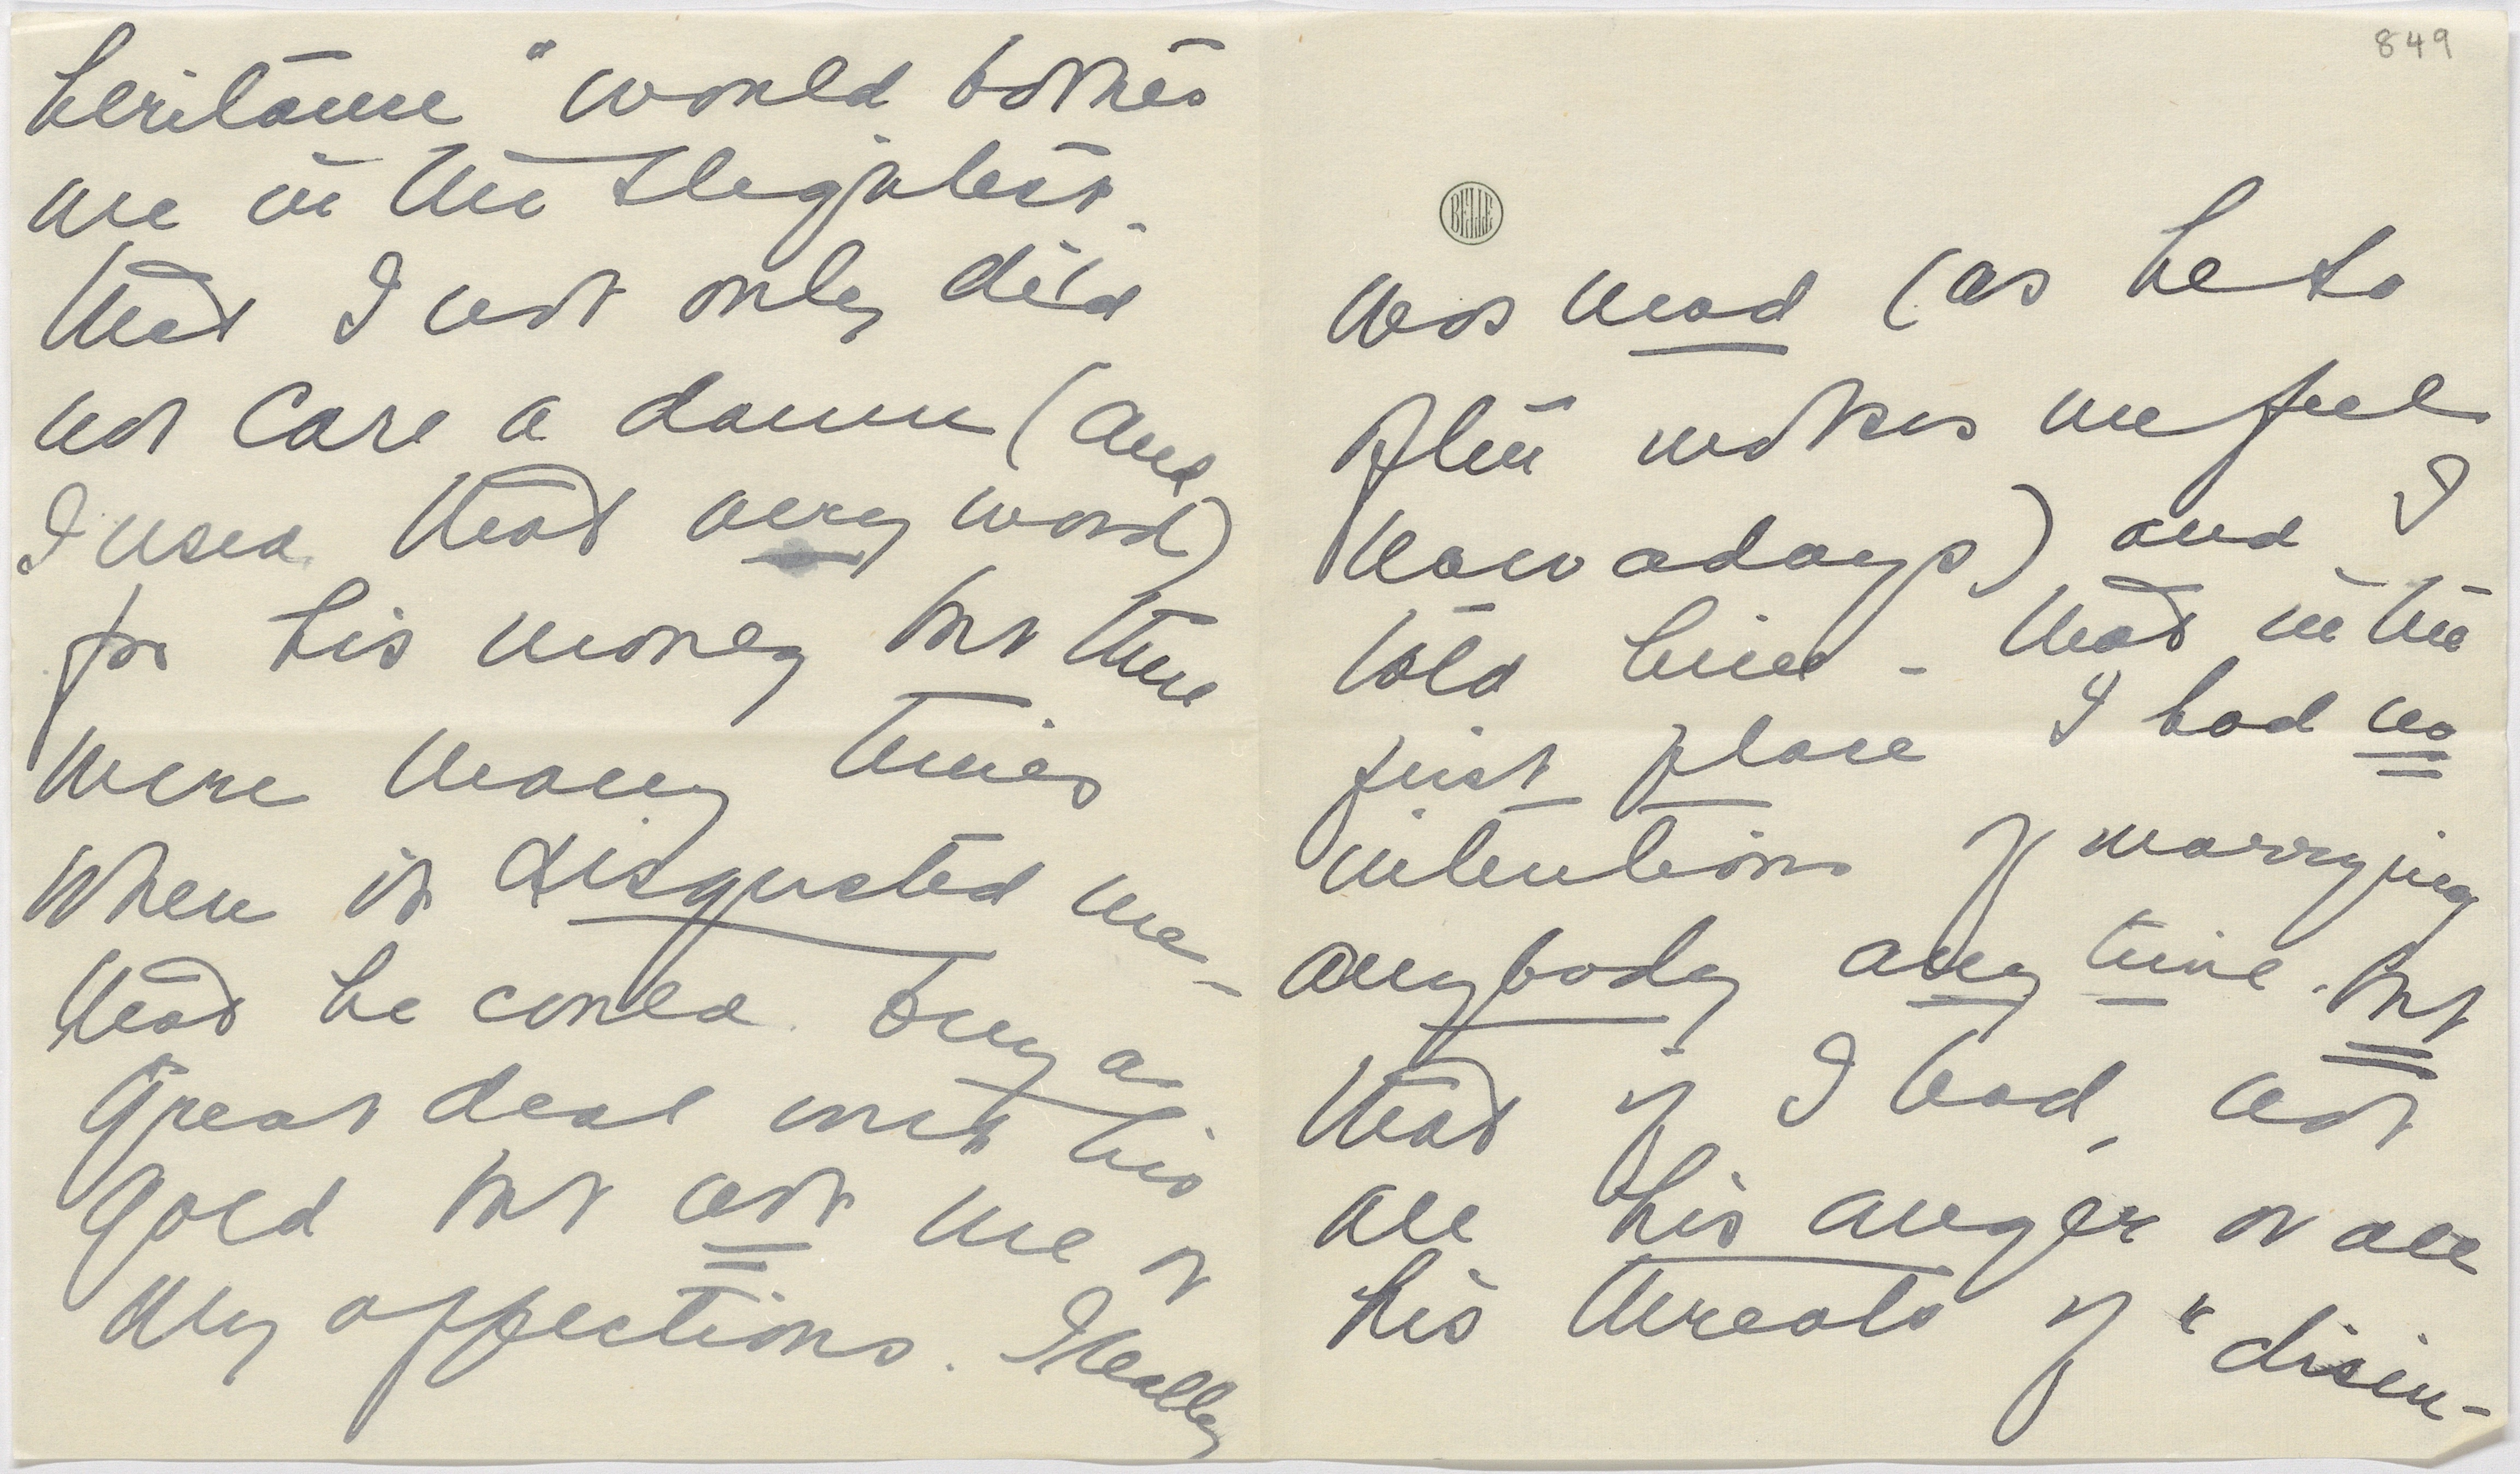was mad (as he so often makes me feel nowadays) and I told him – that in the first place I had [double underlined: no] intention of marrying anybody any time [double underlined: but] that if I had, not all his anger or all his threats of “disinheritance”
would bother me in the slightest – that I not only did not care a damn (and I used that very word) for his money but there were many times when it disgusted me – that he could buy a great deal with his gold but [double underlined: not] me or my affections. I really